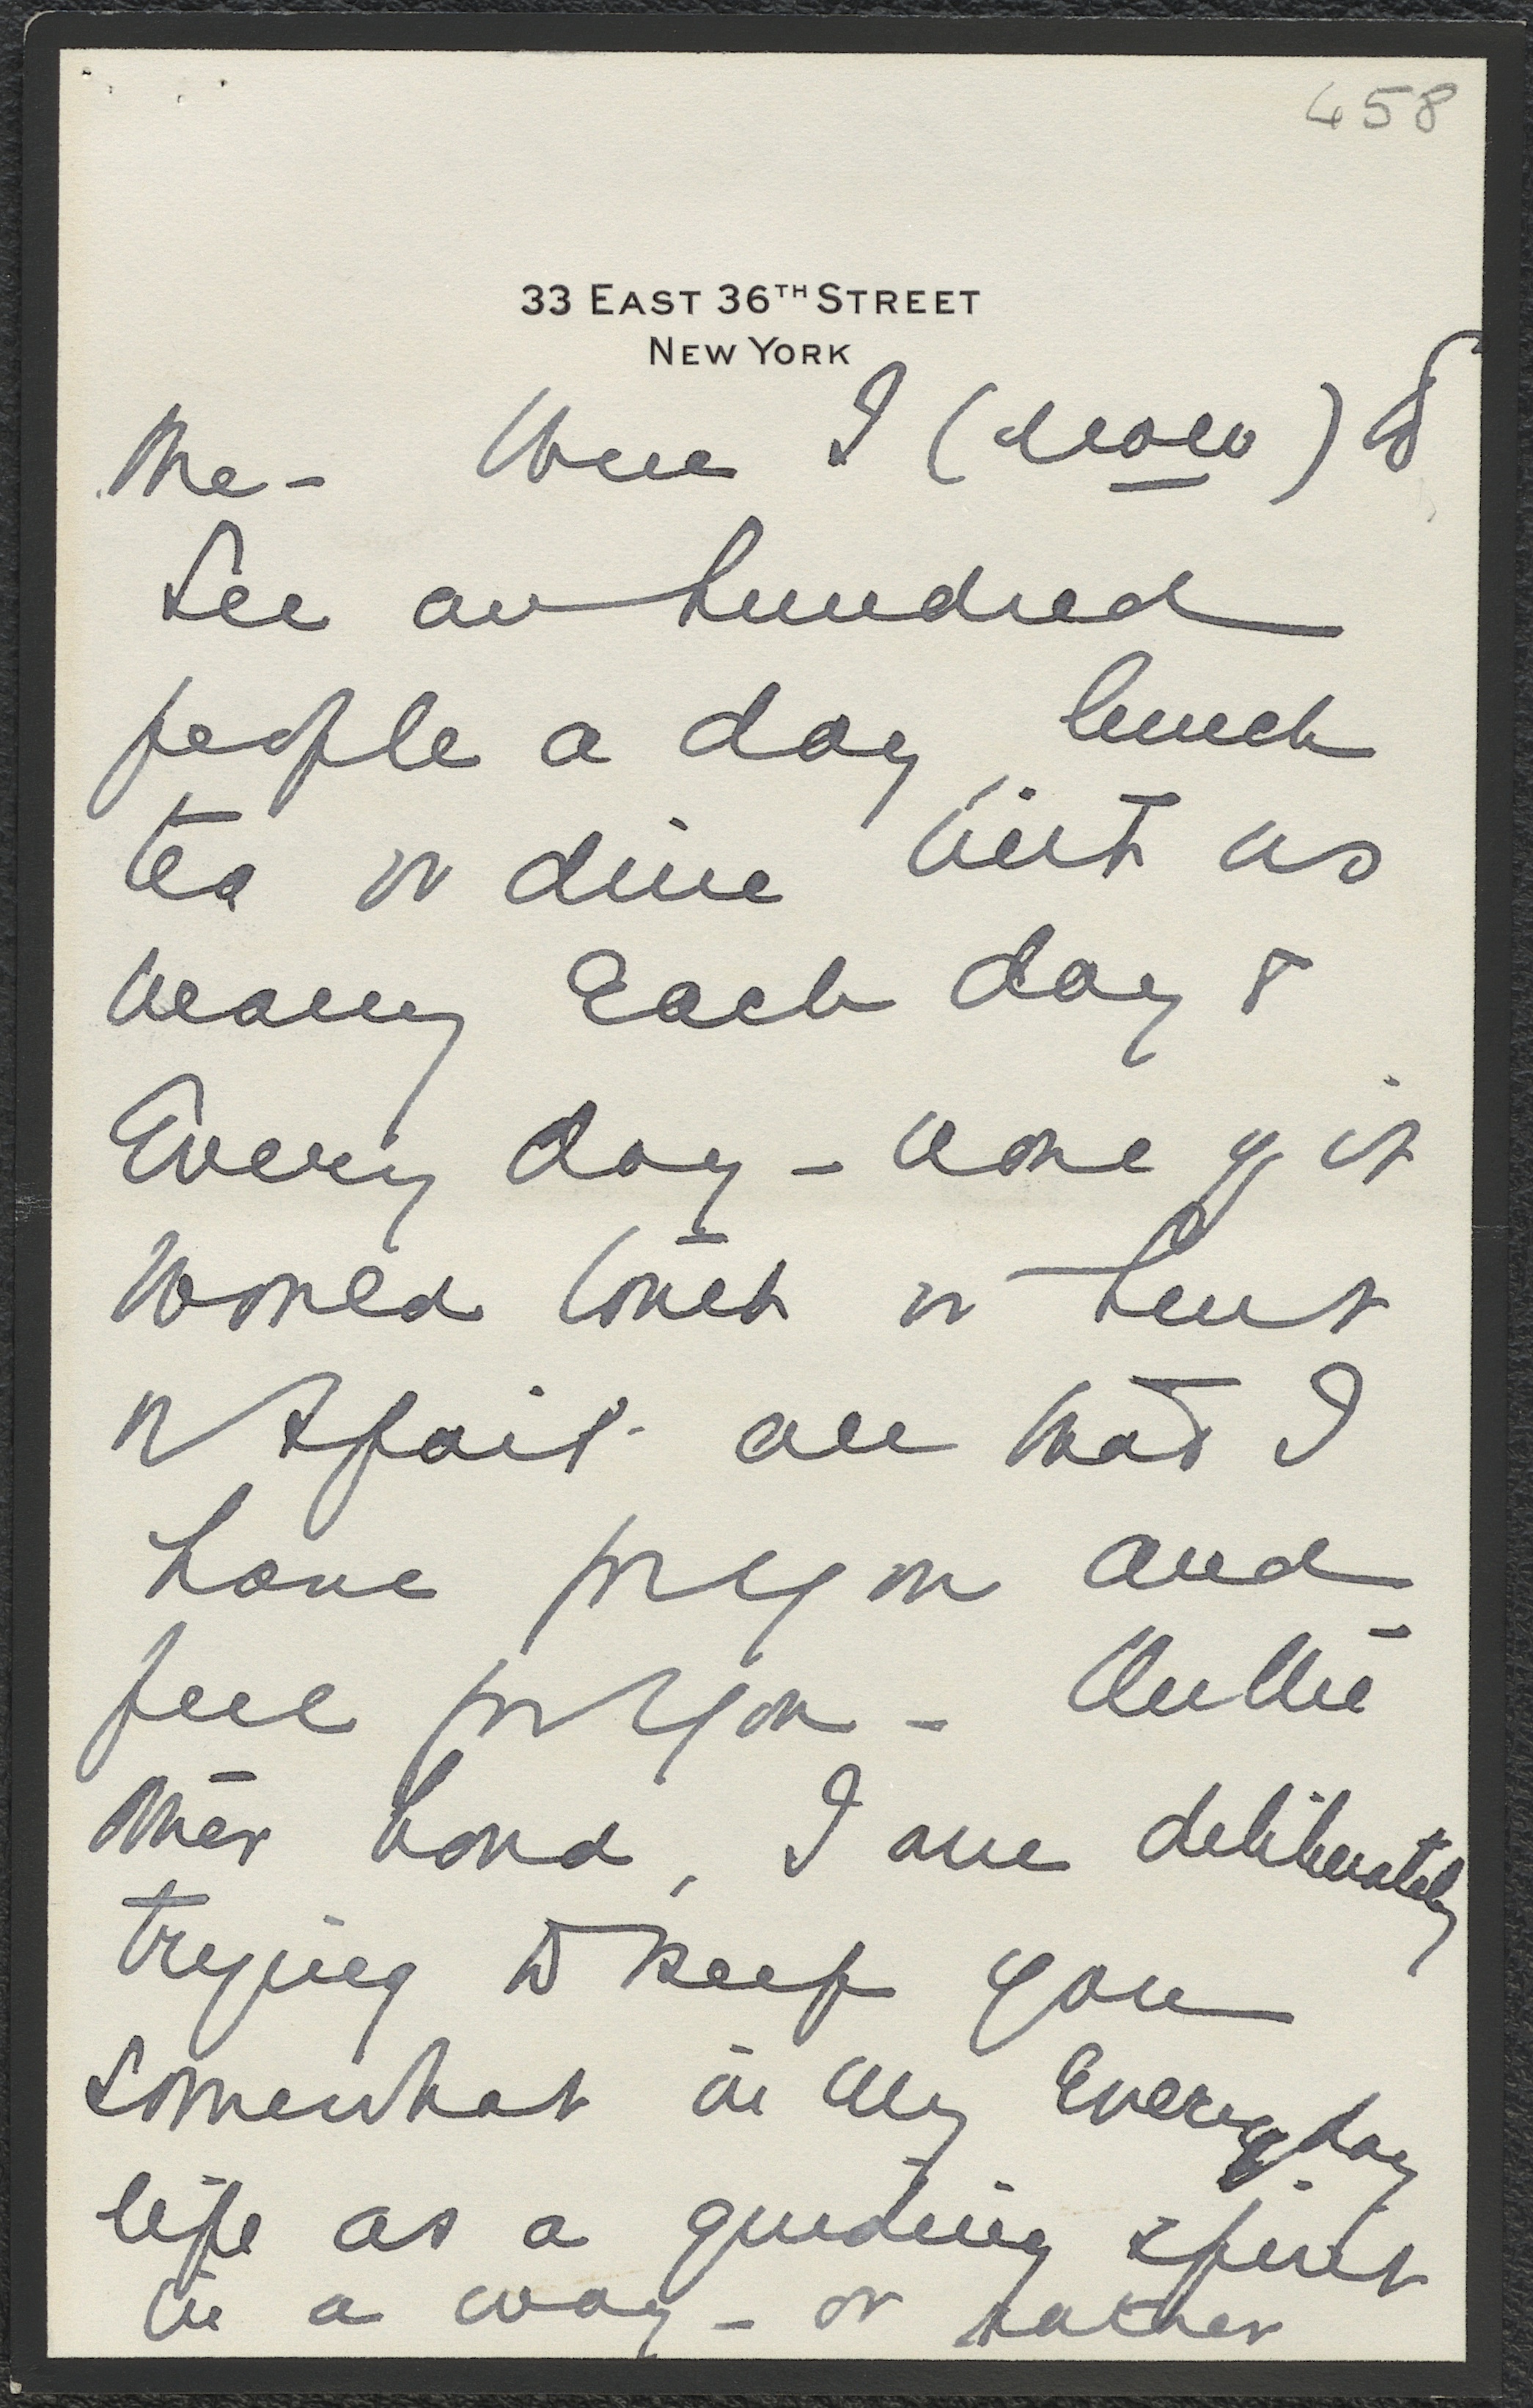one – Were I (now) to see an hundred people a day, lunch tea or dine with as many each day & every day – none of it would touch or hurt or spoil all that I have for you and feel for you – On the other hand, I am deliberately trying to keep you somewhat in my everyday life as a guiding spirit in a way – or rather